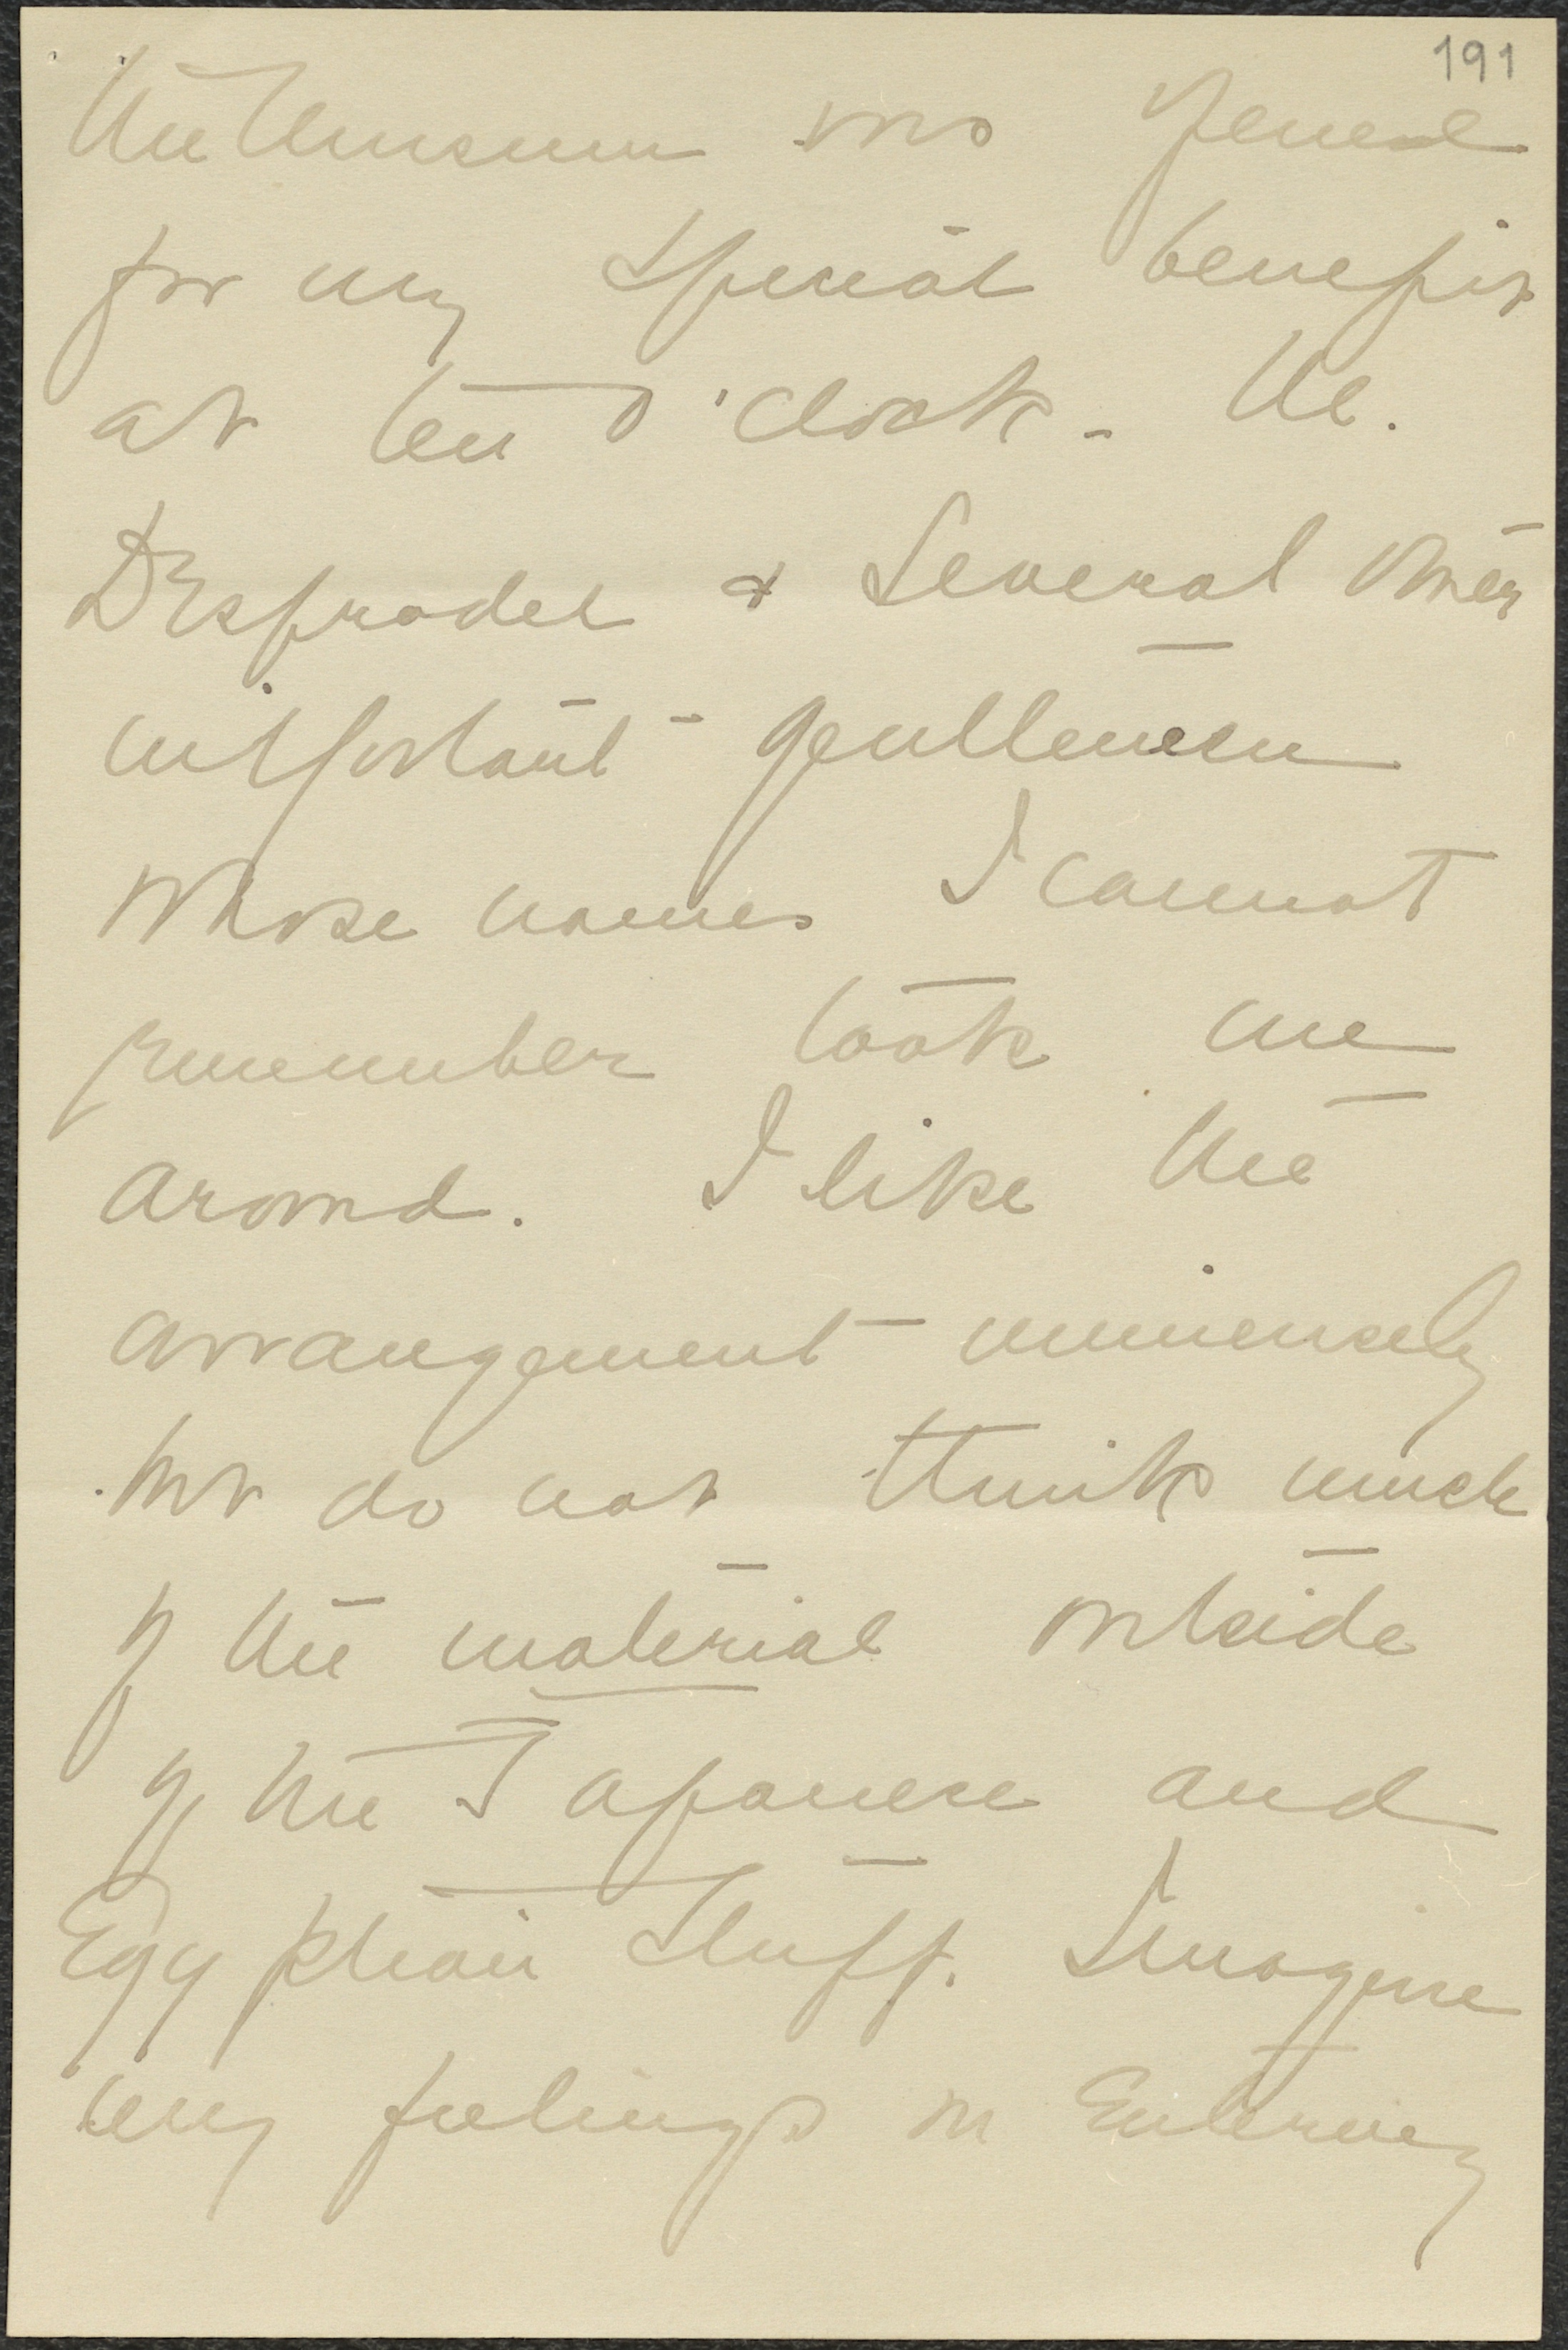the Museum was opened for my special benefit at ten o’clock – M. Desprodel [sic] & several other important gentlemen whose names I cannot remember took me around. I like the arrangement immensely but do not think much of the material outside of the Japanese and Egyptian stuff. Imagine my feelings in entering